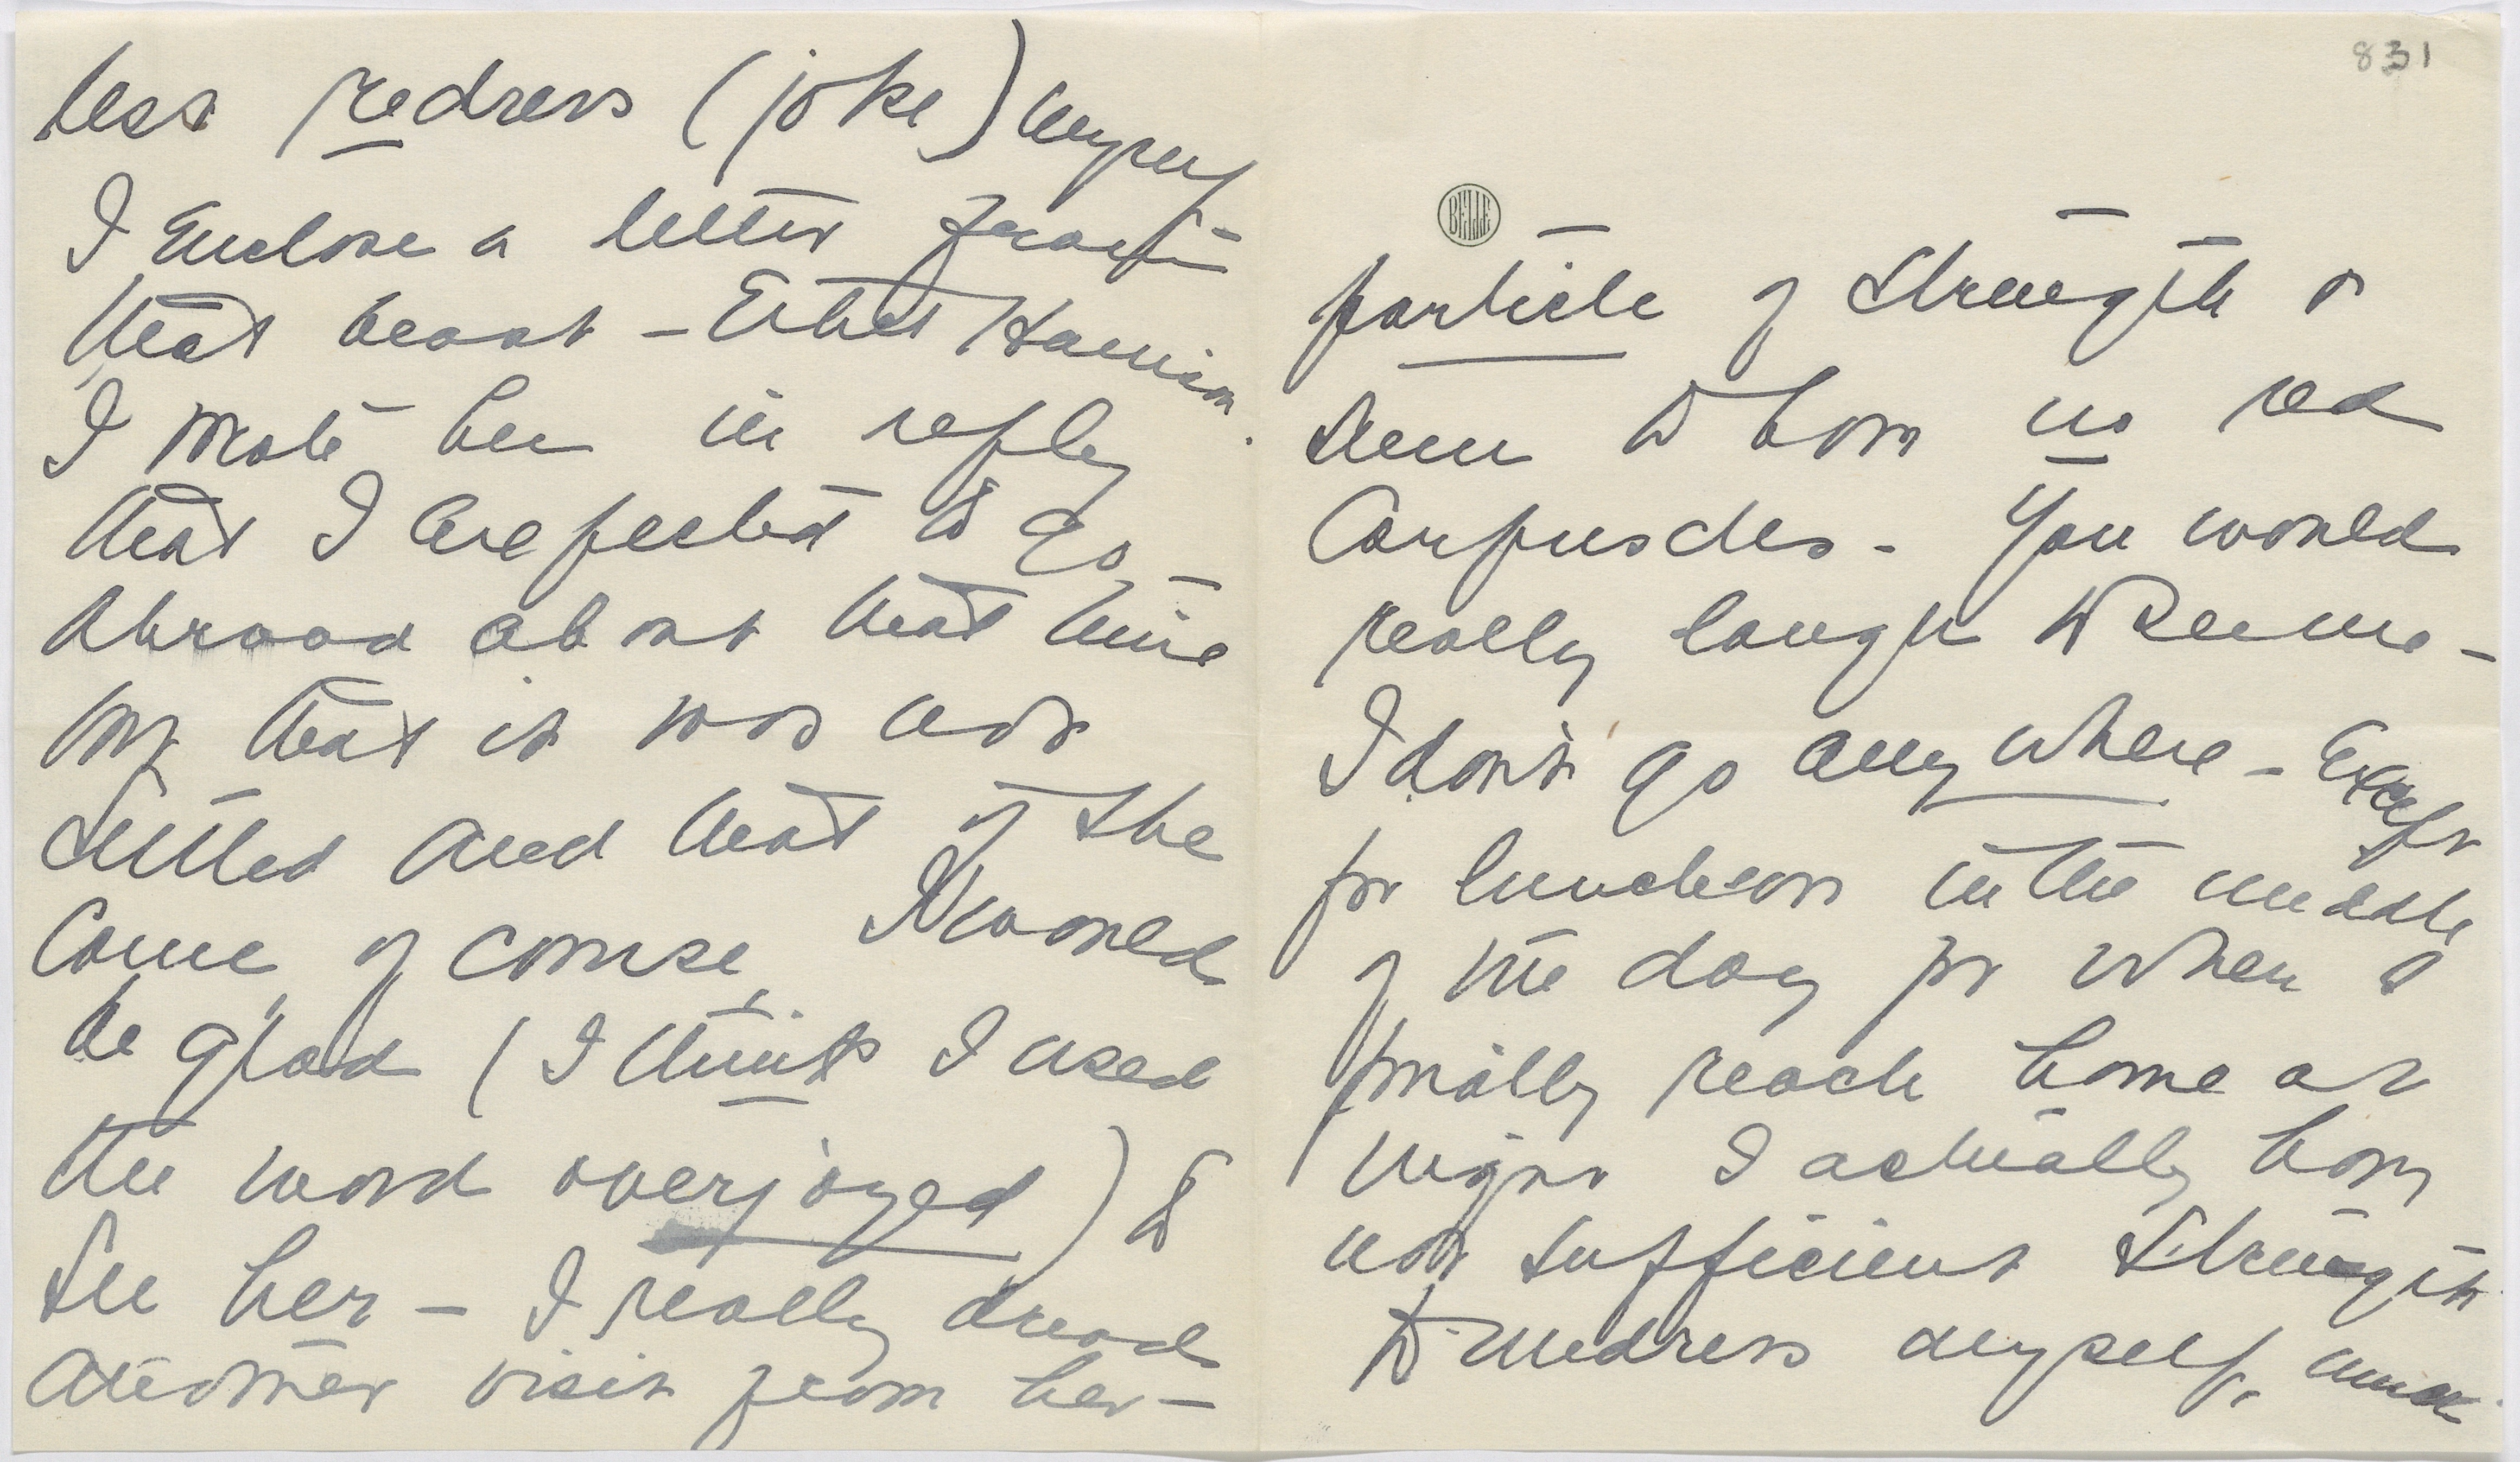particle of strength & seem to have no red corpuscles – You would really laugh to see me – I don’t go any where – except for luncheon in the middle of the day for when I finally reach home at night I actually have not sufficient strength to undress myself, much
less redress (joke) myself – I enclose a letter from that beast – Ethel Harrison. I wrote her in reply that I expected to go abroad about that time but that it was not settled and that if she came of course I would be glad (I think I used the word overjoyed) to see her – I really dread another visit from her –